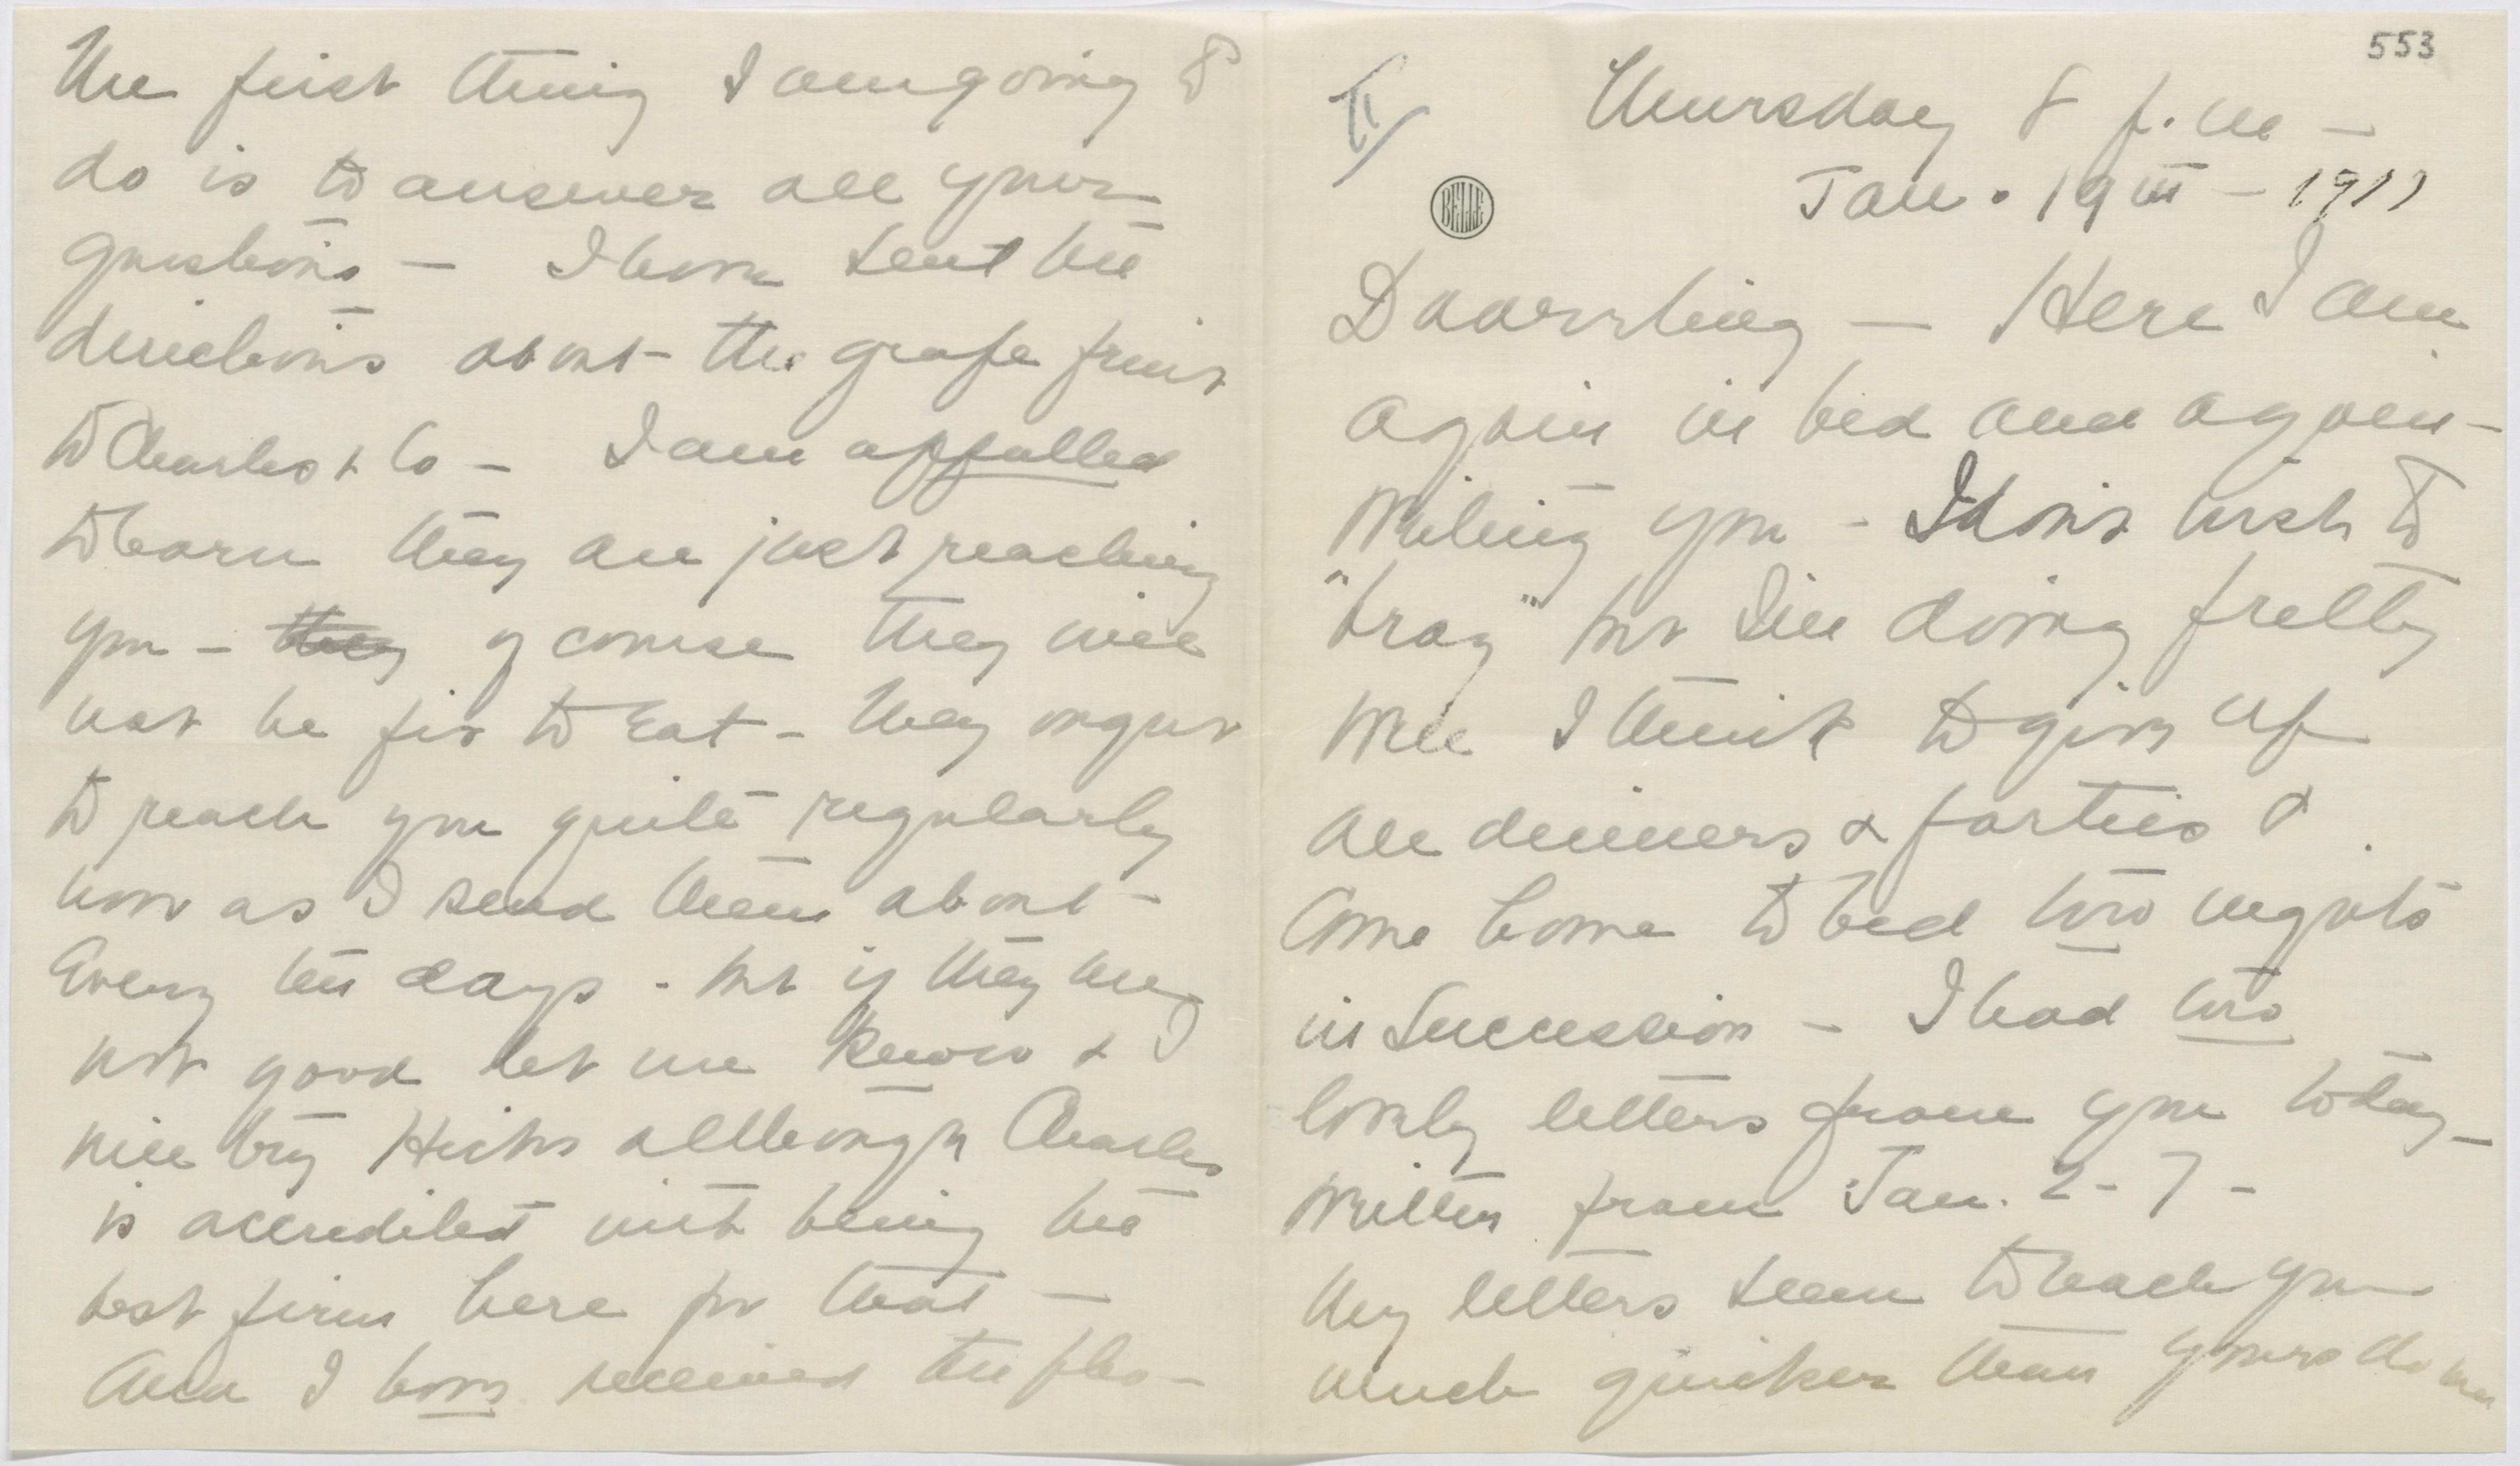[written on left of page: II] Thursday 8 p.m –
Jan. 19th –
Daarrling – Here I am again in bed and again – writing you – I don’t wish to “bray” but I’m doing pretty well I think to give up all dinners & parties & come home to bed two nights in succession – I had two lovely letters from you today – written from Jan. 2-7 –
My letters seem to reach you much quicker than yours do me
The first thing I am going to do is to answer all your questions – I have sent the directions about the grape fruit to Charles & Co – I am appalled to learn they are just reaching you – they of course they will not be fit to eat – They ought to reach you quite regularly now as I send them about every ten days – but if they are not good let me know & I will try Hicks although Charles is accredited with being the best firm here for that –
And I have received the photographs